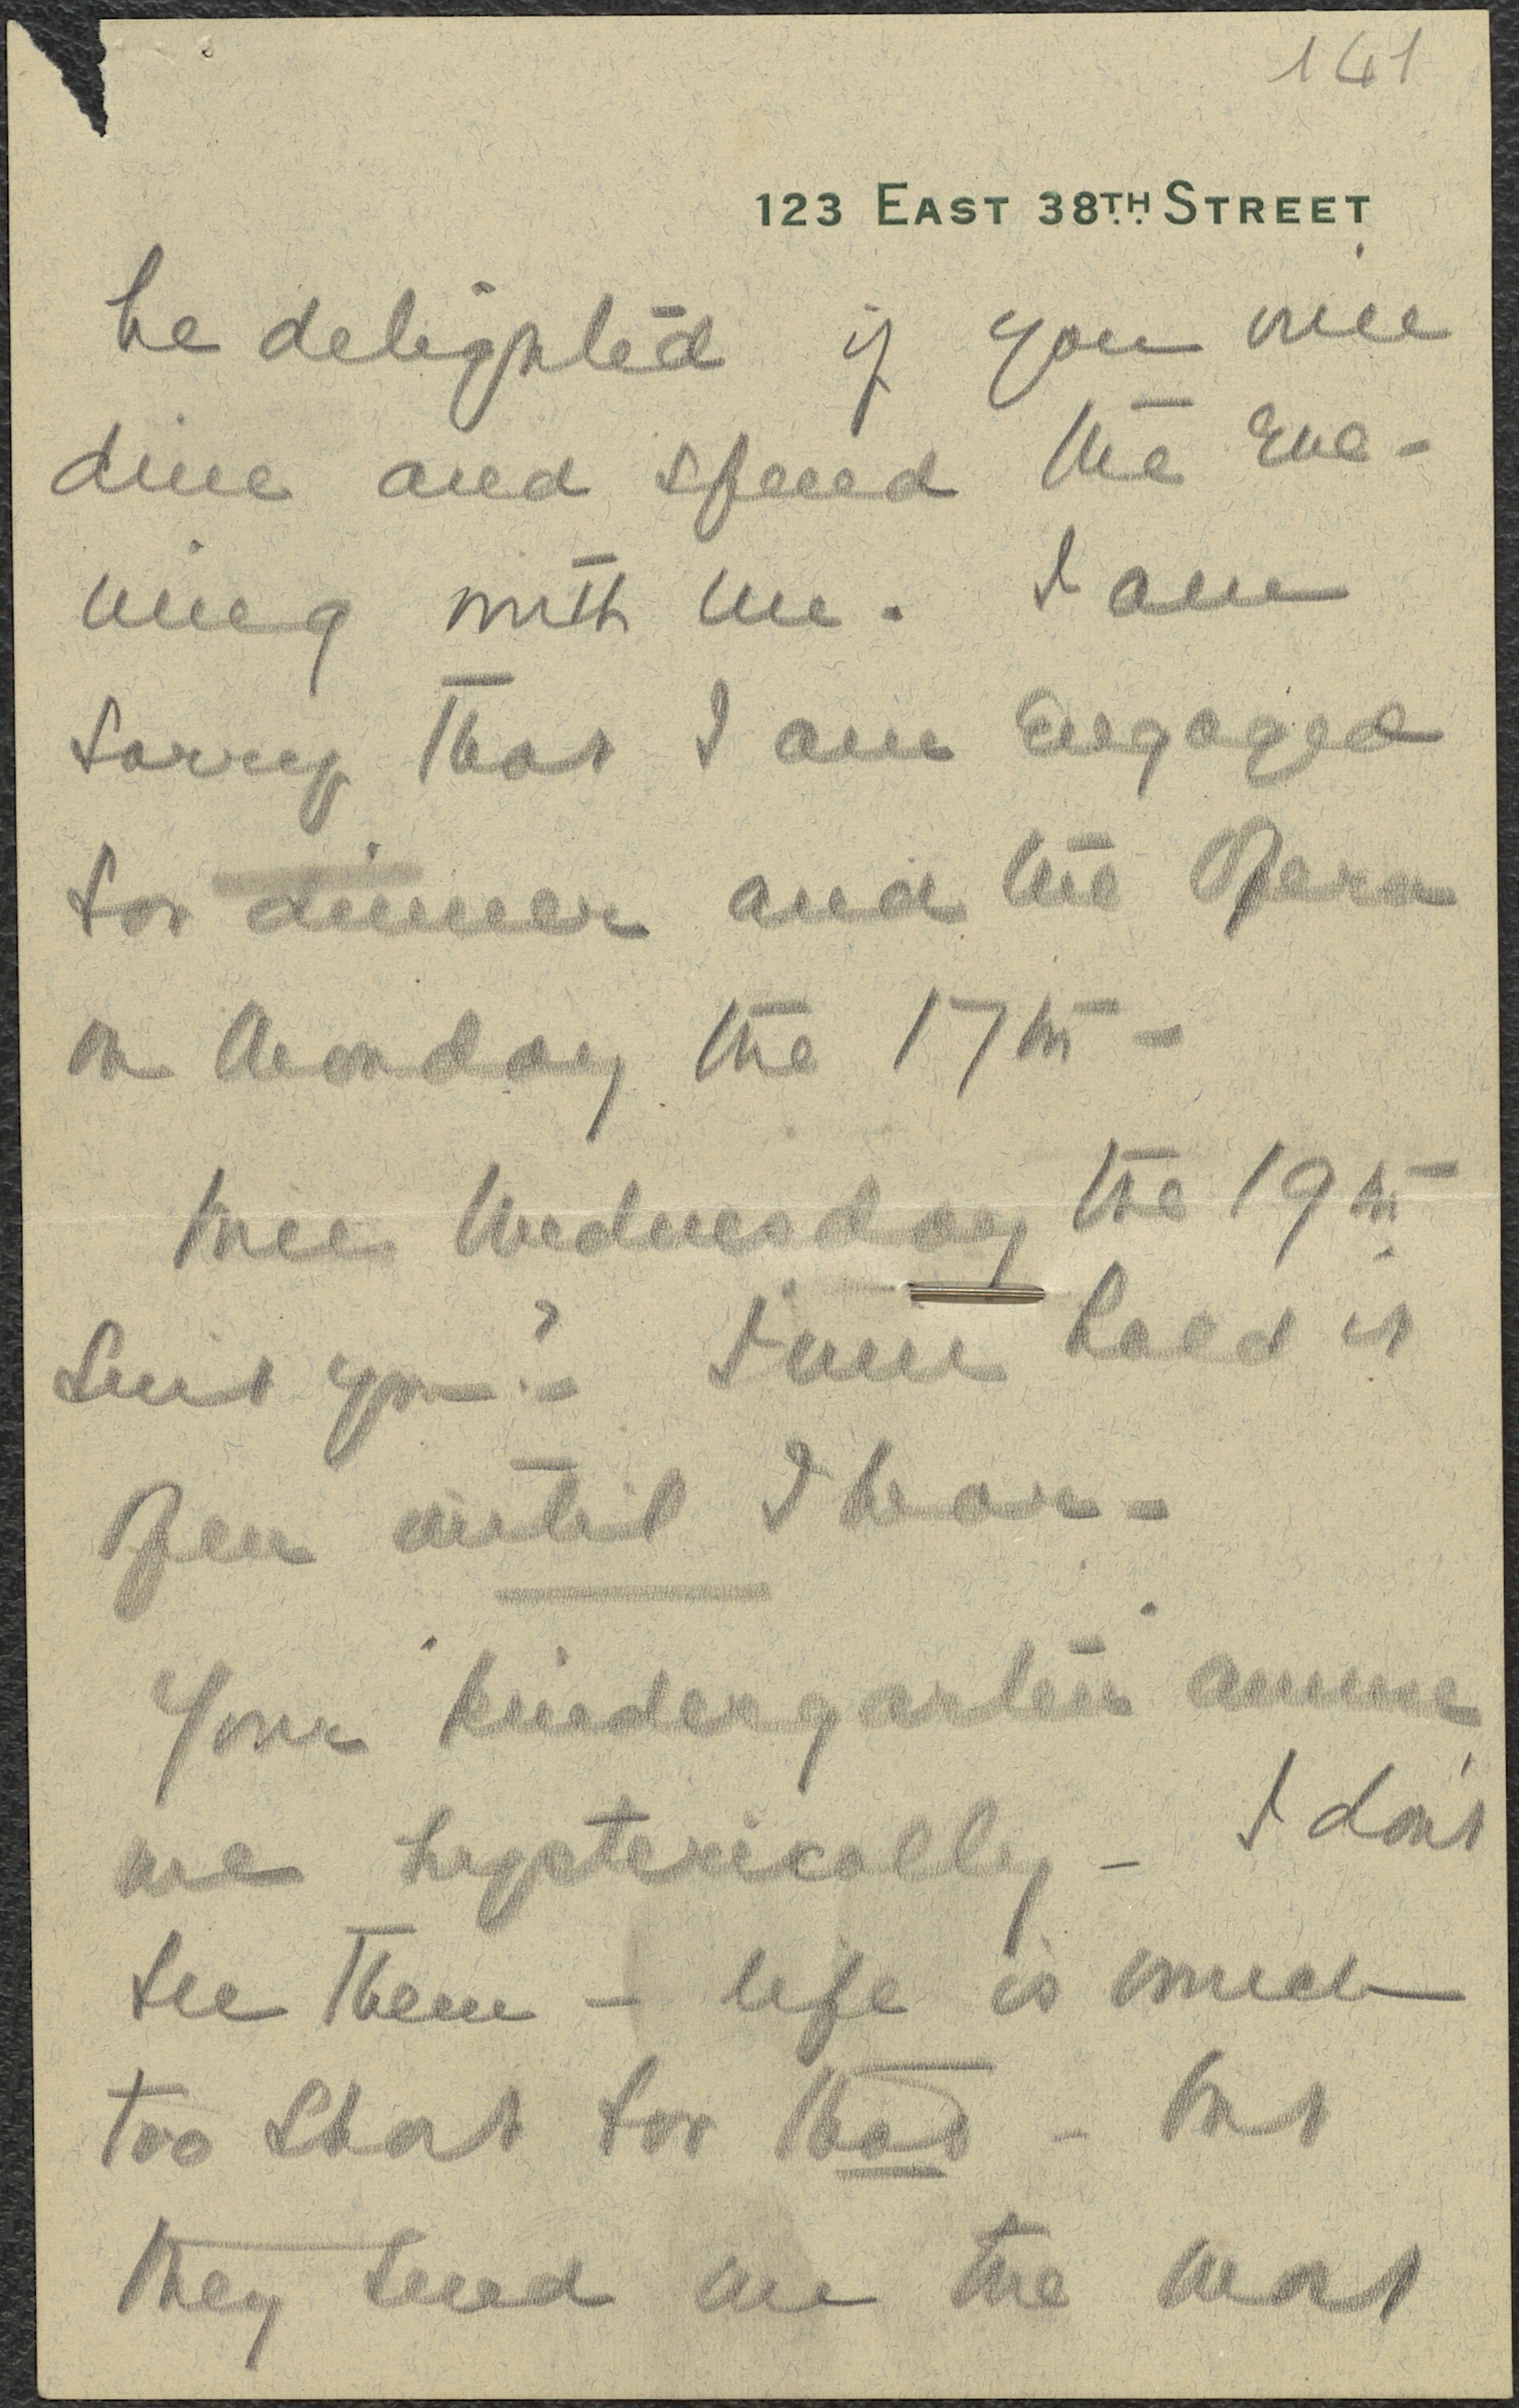be delighted if you will dine and spend the evening with me. I am sorry that I am engaged for dinner and the Opera on Monday the 17th –
Will Wednesday the 19th suit you? I will hold it open until I hear –
Your "kindergarten" amuse me hysterically – I don't see them – life is much too short for that – but they send me the most